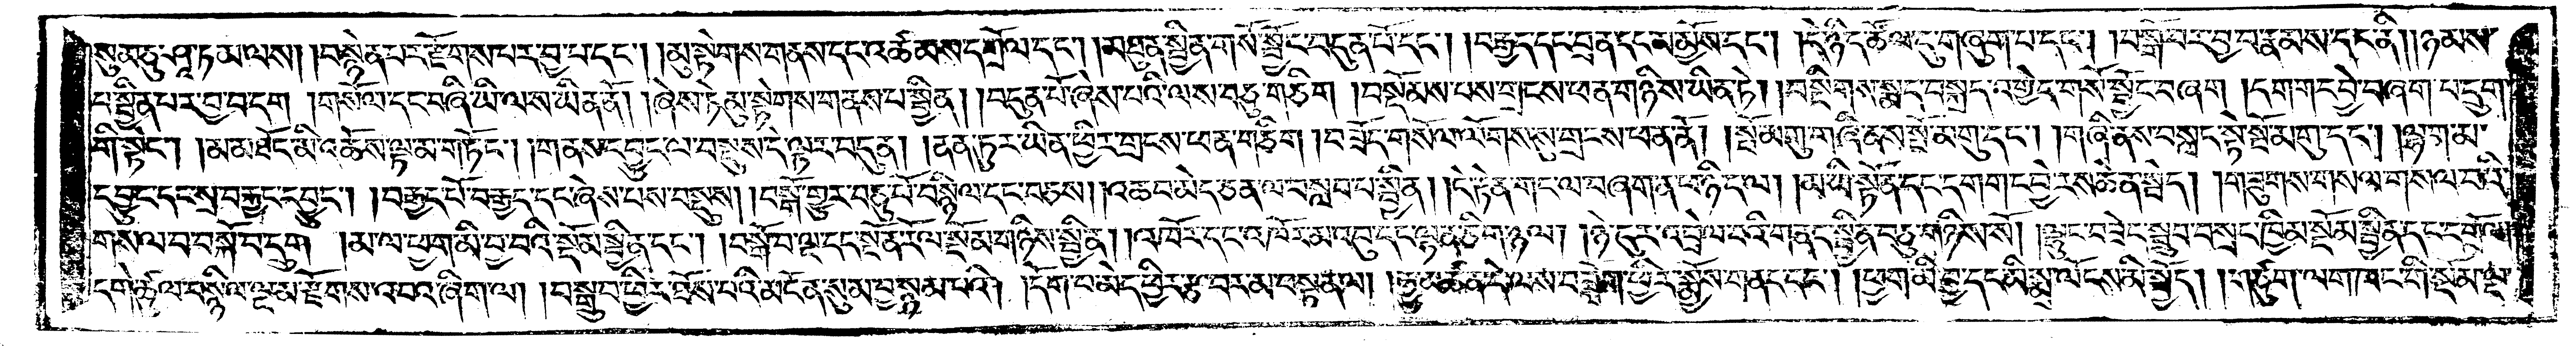སུམ་ཅུ་ཤཱ་ཏ་མ་ལས། །བསྙེན་པར་རྫོགས་པར་བྱ་བ་དང་། །མུ་སྟེགས་གནས་དང་འཚམས་དགྲོལ་དང་། །མཐུན་སྦྱིན་གསོ་སྦྱོང་བདུན་པོ་དང་། །བརྒྱད་དང་བྲན་དང་མ་མྱོས་དང་། །དེ་ཉིད་ཚོལ་དུ་གཞུག་པ་དང་། །བསྒོ་བར་བྱ་བ་རྣམས་དང་ནི། །ཉམས་
བ་སྦྱིན་པར་བྱ་བདག །གསོལ་དང་བཞི་ཡི་ལས་ཡིན་ནོ། །ཞེས་ཏེ་མུ་སྟེགས་གནས་པ་སྦྱིན། །བདུན་པོ་ཞེས་པའི་ལས་བཅུ་གཅིག །བསྡོམས་པས་གྲངས་ཕན་གཉིས་ཡིན་ཏེ། །བསྡིགས་སྨད་བསྐྲད་འགྱེད་གསོ་སྦྱོང་བཞག །འགག་དབྱེ་བཞག་པ་དྲུག་
གི་སྟང་། །མ་མཐོང་མི་འཆོས་ལྟ་མ་གཏོང་། །གནས་དབྱུང་ལ་བསྡུས་དེ་ལྟར་བདུན། །ནན་ཏུར་ཡིན་ཕྱིར་གྲངས་ཕན་གཅིག །བཟོད་གསོལ་ལོགས་སུ་གྲངས་ཕན་ནོ། །སྤོ་མགུ་གཞི་ནས་སྤོ་མགུ་དང་། །གཞི་ནས་བསླང་སྟེ་སྤོ་མགུ་དང་། །ལྷག་མ་
དབྱུང་རང་སྲ་བརྐྱད་དབྱུང་། །བརྒྱད་པོ་བརྒྱད་དང་ཞེས་པས་བསྡུས། །བསྒོ་གྱུར་བཅུ་པོ་བསྙིལ་དང་བཅས། །འཆབ་མེད་ཅན་ལ་བསླབ་པ་སྦྱིན། །དེ་རྟེན་གང་ལ་བཞག་ན་ཕ་ཉིད་ལ། །མ་ཡི་སྟོན་དང་དགག་དབྱེ་རས་ཆེན་སྦེད། །གཟུགས་གསལ་གསལ་བའི་
གསལ་བ་བསྐོ་བ་དྲུག །མ་ལ་ཕྱག་མི་བྱ་བའི་སྡོམ་སྦྱིན་དང་། །བསྒོ་བ་ལྔ་དང་སྔོན་རོལ་སྡོམ་གཉིས་སྦྱིན། །འཁོར་དང་འཁོར་མ་འབུ་དང་ལྷན་ཅིག་ཉལ། །ཉེ་དུར་འབྲེལ་བའི་གནང་སྦྱིན་བཅུ་གཉིས་སོ། །ལྷུང་བཟེད་སྦྲུབ་བསྲང་ཁྱིམ་སྡོམ་སྦྱིན་དང་དགྲོལ། །
དགེ་ཚུལ་བསྙིལ་ལྔ་མ་རྫོགས་འབའ་ཞིག་ལ། །བསྒྲུབ་ཕྱིར་ཐོས་པའི་མངོན་སུམ་བྱ་སྙམ་པའི། །དོག་པ་མེད་ཕྱིར་རྩ་བར་མ་བསྟན་ལ། །རྒྱུ་མཚན་དེ་ལས་བཟློག་ཕྱིར་མྱོས་གནང་དང་། །ཕྱག་མི་བྱ་དང་མི་སྨྲ་ལོངས་མི་སྤྱོད། །གཙུག་ལག་ཁང་གི་སྡོམ་ལྔ་